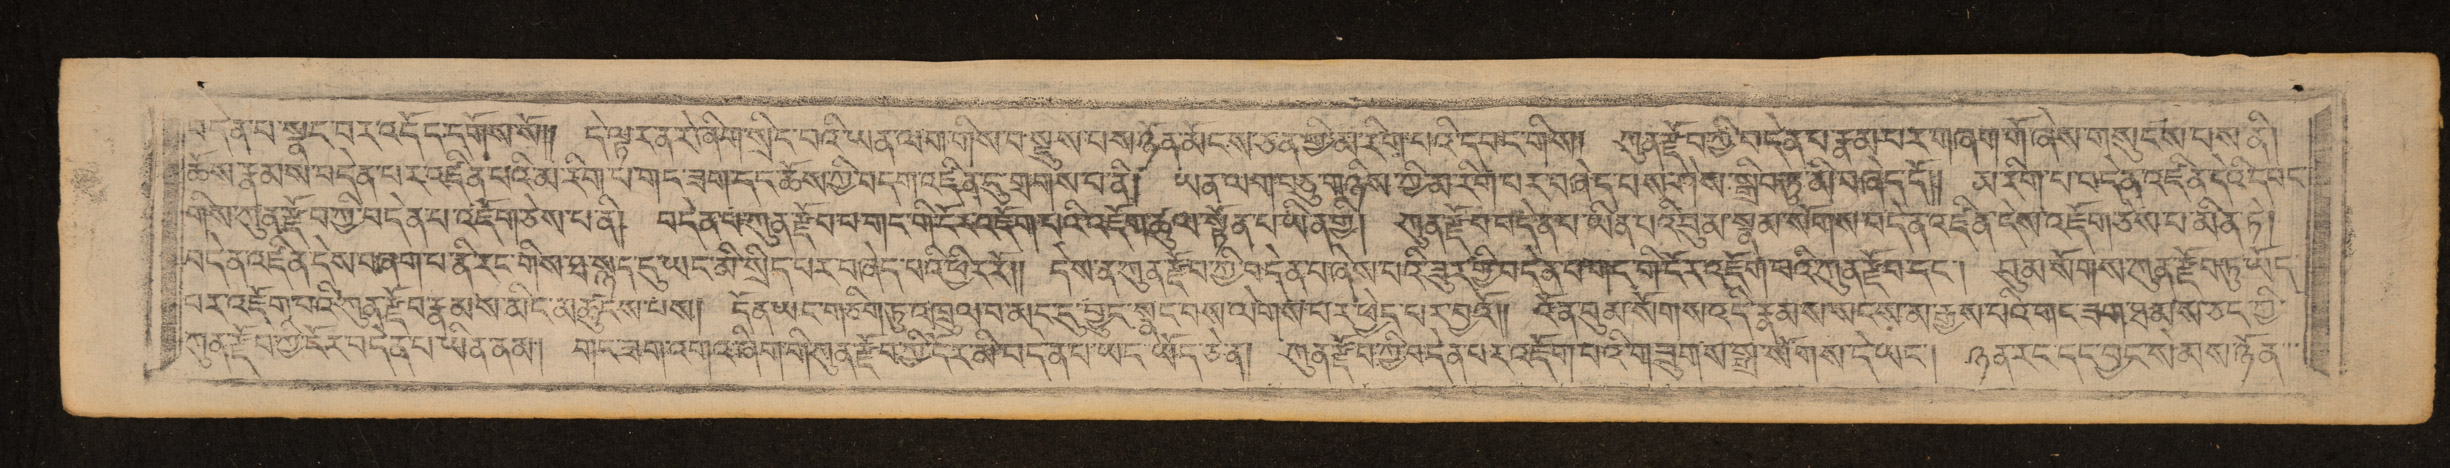བདེན་པ་སྣང་བར་འདོད་དགོས་སོ།། དེ་ལྟར་ན་རེ་ཞིག་སྲིད་པའི་ཡན་ལག་གིས་བསྡུས་པས་ཉོན་མོངས་ཅན་གྱི་མ་རིག་པའི་དབང་གིས། ཀུན་རྫོབ་ཀྱི་བདེན་པ་རྣམ་པར་གཞག་གོ་ཞེས་གསུངས་པས་ནི།
ཆོས་རྣམས་བདེན་པར་འཛིན་པའི་མ་རིག་པ་གང་ཟག་དང་ཆོས་ཀྱི་བདག་འཛིན་དུ་གྲགས་པ་ནི། ཡན་ལག་བཅུ་གཉིས་ཀྱི་མ་རིག་པར་བཞེད་པས་ཤེས་སྒྲིབ་ཏུ་མི་བཞེད་དོ།། མ་རིག་པ་བདེན་འཛིན་དེའི་དབང་
གིས་ཀུན་རྫོབ་ཀྱི་བདེན་པ་འཇོག་ཅེས་པ་ནི། བདེན་པ་ཀུན་རྫོབ་པ་གང་གི་ངོར་འཇོག་པའི་འཇོག་ཚུལ་སྟོན་པ་ཡིན་གྱི། ཀུན་རྫོབ་བདེན་པ་ཡིན་པའི་བུམ་སྣམ་སོགས་བདེན་འཛིན་དེས་འཇོག་ཅེས་པ་མིན་ཏེ།
བདེན་འཛིན་དེས་བཞག་པ་ནི་རང་གིས་ཐ་སྙད་དུ་ཡང་མི་སྲིད་པར་བཞེད་པའི་ཕྱིར་རོ།། དེས་ན་ཀུན་རྫོབ་ཀྱི་བདེན་པ་ཞེས་པའི་ཟུར་གྱི་བདེན་པ་གང་གི་ངོར་འཇོག་པའི་ཀུན་རྫོབ་དང་། བུམ་སོགས་ཀུན་རྫོབ་ཏུ་ཡོད་
པར་འཇོག་པའི་ཀུན་རྫོབ་རྣམས་མིང་མཚུངས་པས། དོན་ཡང་གཅིག་ཏུ་འཁྲུལ་པ་མང་དུ་བྱུང་སྣང་བས་ལེགས་པར་ཕྱེད་པར་བྱའོ།། འོ་ན་བུམ་སོགས་འདི་རྣམས་སངས་མ་རྒྱས་པའི་གང་ཟག་ཐམས་ཅད་ཀྱི་
ཀུན་རྫོབ་ཀྱི་ངོར་བདེན་པ་ཡིན་ནམ། གང་ཟག་འགའ་ཞིག་གི་ཀུན་རྫོབ་ཀྱི་ངོར་མི་བདེན་པ་ཡང་ཡོད་ཅེ་ན། ཀུན་རྫོབ་ཀྱི་བདེན་པར་འཇོག་པའི་གཟུགས་སྒྲ་སོགས་དེ་ཡང་། ཉན་རང་དང་བྱང་སེམས་ཉོན་